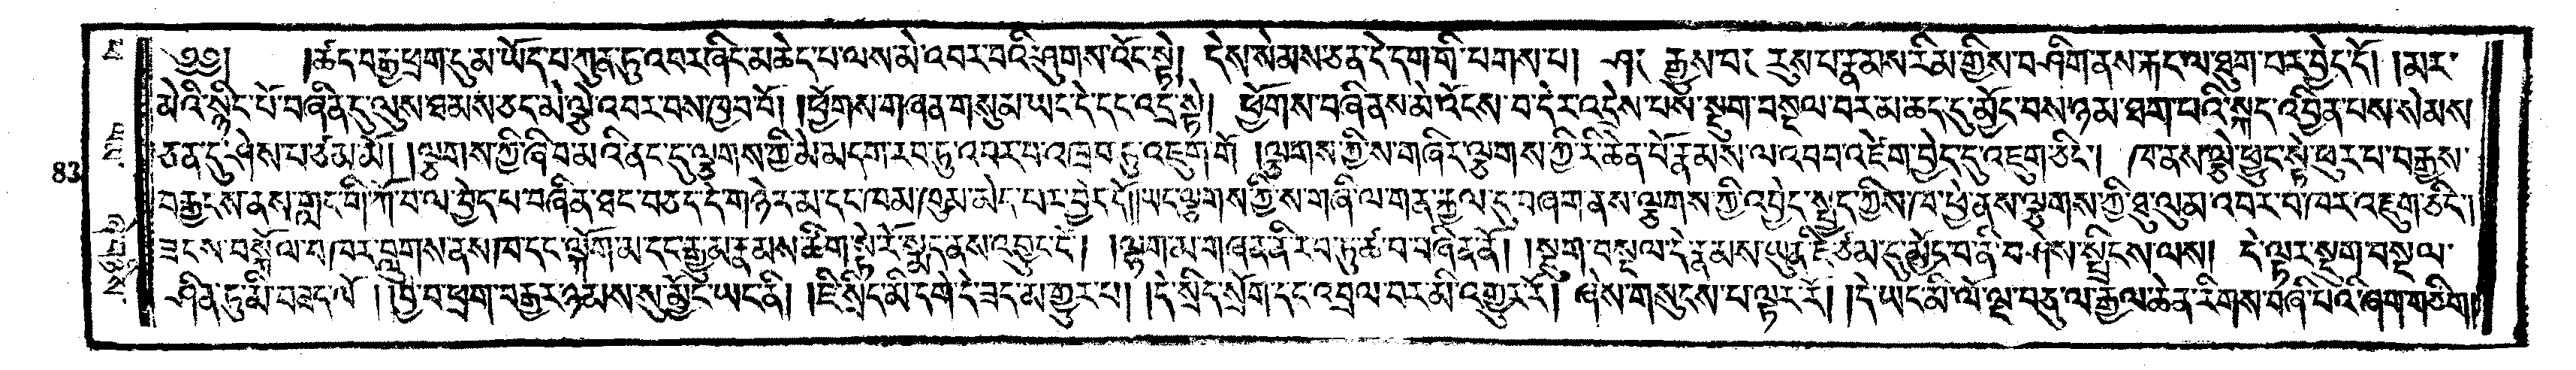༄༅། །ཚད་བརྒྱ་ཕྲག་དུ་མ་ཡོད་པ་ཀུན་ཏུ་འབར་ཞིང་མཆེད་པ་ལས་མེ་འབར་བའི་ཤུགས་འོང་སྟེ། དེས་སེམས་ཅན་དེ་དག་གི་པགས་པ། ཤ༑ རྒྱུས་བ༑ རུས་པ་རྣམས་རིམ་གྱིས་བཤིག་ནས་རྐང་ལ་ཐུག་པར་བྱེད་དོ། །མར་
མེའི་སྙིང་པོ་བཞིན་དུ་ལུས་ཐམས་ཅད་མེ་ལྕེ་འབར་བས་ཁྱབ་བོ། །ཕྱོགས་གཞན་གསུམ་ཡང་དེ་དང་འདྲ་སྟེ། ཕྱོགས་བཞི་ནས་མེ་འོངས་བ་དེར་འདྲེས་པས་སྡུག་བསྔལ་བར་མ་ཆད་དུ་མྱོང་བས་ཉམ་ཐག་པའི་སྐད་འབྱིན་པས་སེམས་
ཅན་དུ་ཤེས་པ་ཙམ་མོ། །ལྕགས་ཀྱི་ཞི་བ་མའི་ནང་དུ་ལྕགས་ཀྱི་མེ་མདག་རབ་ཏུ་འབར་པ་འཁྲབ་ཏུ་འཇུག་གོ །ལྕགས་ཀྱིས་གཞིར་ལྕགས་ཀྱི་རི་ཆེན་པོ་རྣམས་ལ་འབབ་འཛེག་བྱེད་དུ་འཇུག་ཅིང་། ཁ་ནས་ལྕེ་ཕྱུང་སྟེ་ཕུར་པ་བརྒྱས་
བརྒྱངས་ནས་གླང་གི་ཀོ་པ་ལ་བྱེད་པ་བཞིན་ཐང་བཅད་དེ་གཉེར་མ་དང་ཁམ་ཁུམ་མེད་པར་བྱེད་དོ། །ཡང་ལྕགས་ཀྱི་ས་གཞི་ལ་གན་རྐྱལ་དུ་བཞག་ནས་ལྕགས་ཀྱི་འབྱེད་སྤྱད་ཀྱིས་ཁ་ཕྱེ་ནས་ལྕགས་ཀྱི་ཐུ་ལུམ་འབར་བ་ཁར་འཇུག་ཅིང་།
ཟངས་བསྐོལ་བ་ཁར་བླུགས་ནས་ཁ་དང་ལྐོག་མ་དང་རྒྱུ་མ་རྣམས་ཚིག་སྟེ་རོ་སྨད་ནས་འབྱུང་ངོ ། ལྷག་མ་གཞན་ནི་རབ་ཏུ་ཚ་བ་བཞིན་ནོ། །སྡུག་བསྔལ་དེ་རྣམས་ཡུན་ཇི་ཙམ་དུ་མྱོང་བ་ནི་བཤེས་སྤྲིངས་ལས། དེ་ལྟར་སྡུག་བསྔལ་
ཤིན་ཏུ་མི་བཟད་ལོ། །བྱ་བ་ཕྲག་བརྒྱར་ཉམས་སུ་མྱོང་ཡང་ནི། །ཇི་སྲིད་མི་དགེ་དེ་ཟད་མ་གྱུར་པ། །དེ་སྲིད་སྲོག་དང་འབྲལ་བར་མི་འགྱུར་རོ། །ཞེས་གསུངས་པ་ལྟར་རོ། །དེ་ཡང་མི་ལོ་ལྔ་བཅུ་ལ་རྒྱལ་ཆེན་རིགས་བཞི་པའི་ཞིག་གཅིག།